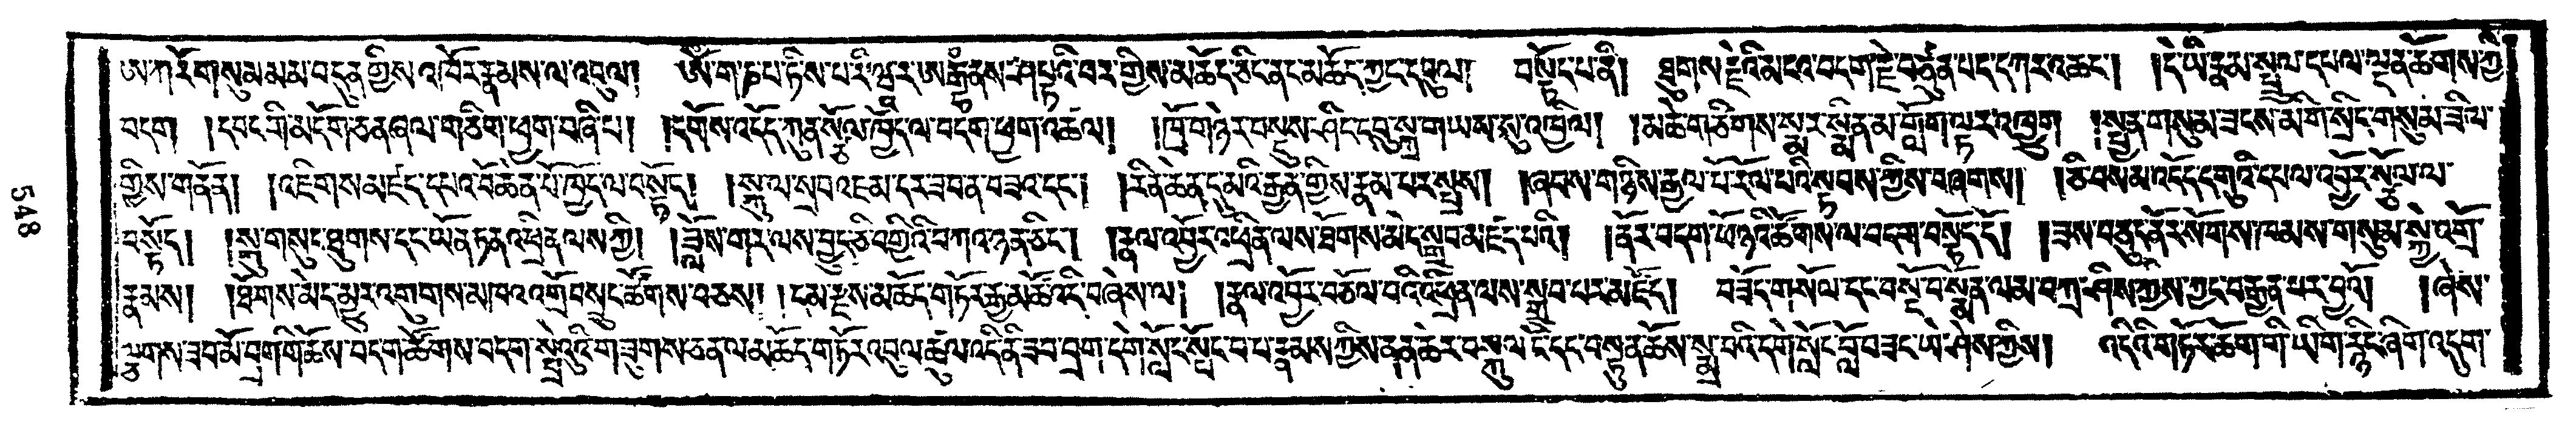ཨ་ཀ་རོ་གསུམ་མམ་བདུན་གྱིས་འཁོར་རྣམས་ལ་འབུལ། ཨོཾ་ག་ཎ་པ་ཏི་ས་པ་རི་ཝཱར་ཨརྒྷཾ་ནས་ཤཔྟའི་བར་གྱིས་མཆོད་ཅིང་ནང་མཆོད་ཀྱང་དབུལ། བསྟོད་པ་ནི། ཐུགས་རྗེའི་མངའ་བདག་རྗེ་བཙུན་པད་དཀར་འཆང་། །དེ་ཡི་རྣམ་སྤྲུལ་དཔལ་ལྡན་ཆོགས་ཀྱི་
བདག །དབང་གི་མདོག་ཅན་ཞལ་གཅིག་ཕྱག་བཞི་པ། །དགོས་འདོད་ཀུན་སྩོལ་ཁྱོད་ལ་བདག་ཕྱག་འཚལ། །ཁྲོ་གཉེར་བསྡུས་ཤིང་དབུ་སྐྲ་གཡས་སུ་འཁྱིལ། །མཆེ་གཙིགས་སྨར་སྨིན་མ་གློག་ལྟར་འཁྱུག །སྤྱན་གསུམ་ཟངས་མིག་སྲིད་གསུམ་ཟིལ་
གྱིས་གནོན། །འཇིགས་མཛད་དཔའ་བོ་ཆེན་པོ་ཁྱོད་ལ་བསྟོད། །སྐུ་ལ་སྲབ་འཇམ་དར་ཟབ་ན་བཟའ་དང་། །རིན་ཆེན་དུ་མའི་རྒྱན་གྱིས་རྣམ་པར་སྤྲས། །ཞབས་གཉིས་རྒྱལ་པོ་རོལ་པའི་སྟབས་ཀྱིས་བཞགས། །ཅི་བསམ་འདོད་དགུའི་དཔལ་འབྱོར་སྩོལ་ལ་
བསྟོད། །སྐུ་གསུང་ཐུགས་དང་ཡོན་ཏན་འཕྲིན་ལས་ཀྱི། །ཟློས་གར་ལས་བྱུང་ཅི་བགྱིའི་བཀའ་ཉན་ཅིང་། །རྣལ་འབྱོར་འཕྲིན་ལས་ཐོགས་མེད་སྒྲུབ་མཛད་པའི། །ནོར་བདག་ཕོ་ཉའི་ཚོགས་ལ་བདག་བསྟོད་དོ། །ཟས་བཅུད་ནོར་སོགས་ཁམས་གསུམ་སྐྱེ་འགྲོ་
རྣམས། །ཐོགས་མེད་མྱུར་འགུགས་མཁའ་འགྲོ་བསྲུང་ཚོགས་བཅས། །དམ་རྫས་མཆོད་གཏོར་རྒྱ་མཚོ་འདི་བཞེས་ལ། །རྣལ་འབྱོར་བཅོལ་བའི་འཕྲིན་ལས་སྒྲུབ་པར་མཛོད། བཟོད་གསོལ་དང་བསྔོ་བ་སྨོན་ལམ་བཀྲ་ཤིས་ཀྱིས་ཀྱང་བརྒྱན་པར་བྱའོ། །ཞེས་
ལྕགས་ཟབ་མོ་བྲག་གི་ཆོས་བདག་ཚོགས་བདག་སྤྲེའུའི་གཟུགས་ཅན་ལ་མཆོད་གཏོར་འབུལ་ཚུལ་འདི་ནི་ཟབ་བྲག་དགེ་སློང་སྤོང་བ་པ་རྣམས་ཀྱིས་ནན་ཆེར་བསྐུལ་ངོ་དང་བསྟུན་ཆོས་སྨྲ་བའི་དགེ་སློང་བློ་བཟང་ཡེ་ཤེས་ཀྱིས། འདིའི་གཏོར་ཆོག་གི་ཡིག་རྙིང་ཞིག་འདུག་